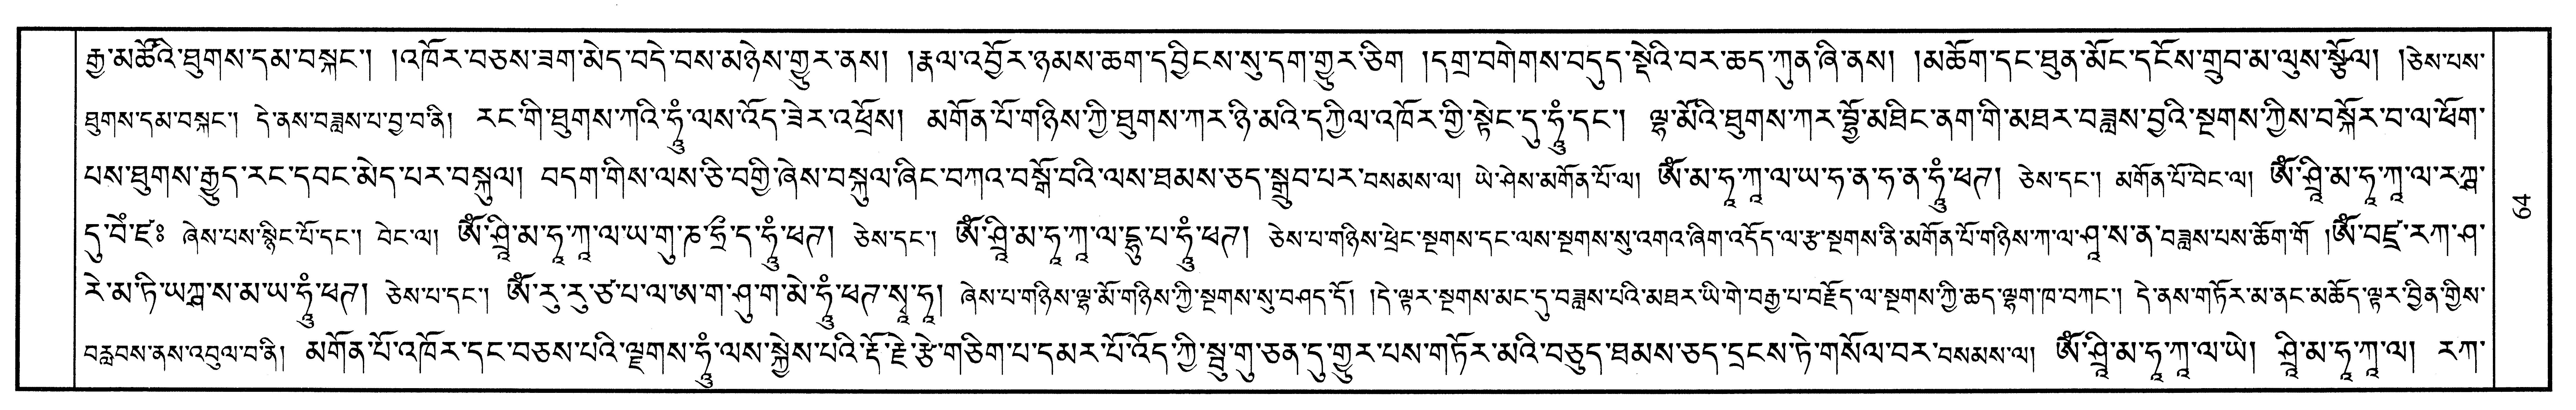རྒྱ་མཚོའི་ཐུགས་དམ་བསྐང་། །འཁོར་བཅས་ཟག་མེད་བདེ་བས་མཉེས་གྱུར་ནས། །རྣལ་འབྱོར་ཉམས་ཆག་དབྱིངས་སུ་དག་གྱུར་ཅིག །དགྲ་བགེགས་བདུད་སྡེའི་བར་ཆད་ཀུན་ཞི་ནས། །མཆོག་དང་ཐུན་མོང་དངོས་གྲུབ་མ་ལུས་སྩོལ། །ཅེས་པས་
ཐུགས་དམ་བསྐང་། དེ་ནས་བཟླས་པ་བྱ་བ་ནི། རང་གི་ཐུགས་ཀའི་ཧཱུཾ་ལས་འོད་ཟེར་འཕྲོས། མགོན་པོ་གཉིས་ཀྱི་ཐུགས་ཀར་ཉི་མའི་དཀྱིལ་འཁོར་གྱི་སྟེང་དུ་ཧཱུཾ་དང་། ལྷ་མོའི་ཐུགས་ཀར་བྷྱོ་མཐིང་ནག་གི་མཐར་བཟླས་བྱའི་སྔགས་ཀྱིས་བསྐོར་བ་ལ་ཕོག་
པས་ཐུགས་རྒྱུད་རང་དབང་མེད་པར་བསྐུལ། བདག་གིས་ལས་ཅི་བགྱི་ཞེས་བསྐུལ་ཞིང་བཀའ་བསྒོ་བའི་ལས་ཐམས་ཅད་སྒྲུབ་པར་བསམས་ལ། ཡེ་ཤེས་མགོན་པོ་ལ། ཨོཾ་མ་ཧཱ་ཀཱ་ལ་ཡ་ཧ་ན་ཧ་ན་ཧཱུཾ་ཕཊ། ཅེས་དང་། མགོན་པོ་བེང་ལ། ཨོཾ་ཤྲཱི་མ་ཧཱ་ཀཱ་ལ་རཀྵ་
དུ་བེཾ་ཛཿ ཞེས་པས་སྙིང་པོ་དང་། བེང་ལ། ཨོཾ་ཤྲཱི་ལ་ཧཱ་ཀཱ་ལ་ཡ་གུ་ཎ་ཧྲྀ་ད་ཧཱུཾ་ཕཊ། ཅེས་དང་། ཨོཾ་ཤྲཱི་མ་ཧཱ་ཀཱ་ལ་དྷུ་པ་ཧཱུཾ་ཕཊ། ཅེས་པ་གཉིས་ཕྲེང་སྔགས་དང་ལས་སྔགས་སུ་འགའ་ཞིག་འདོད་ལ་རྩ་སྔགས་ནི་མགོན་པོ་གཉིས་ཀ་ལ་ཤཱ་ས་ན་བཟླས་པས་ཆོག་གོ །ཨོཾ་བཛྲ་རཀ་ཤ་
རེ་མ་ཏི་ཡཀྴ་ས་མ་ཡ་ཧཱུཾ་ཕཊ། ཅེས་པ་དང་། ཨོཾ་རུ་རུ་ཙ་པ་ལ་ཨ་ག་ཤུ་ག་མེ་ཧཱུཾ་ཕཊ་སྭཱ་ཧཱ། ཞེས་པ་གཉིས་ལྷ་མོ་གཉིས་ཀྱི་སྔགས་སུ་བཤད་དོ། །དེ་ལྟར་སྔགས་མང་དུ་བཟླས་པའི་མཐར་ཡི་གེ་བརྒྱ་པ་བརྗོད་ལ་སྔགས་ཀྱི་ཆད་ལྷག་ཁ་བཀང་། དེ་ནས་གཏོར་མ་ནང་མཆོད་ལྟར་བྱིན་གྱིས་
བརླབས་ནས་འབུལ་བ་ནི། མགོན་པོ་འཁོར་དང་བཅས་པའི་ལྗགས་ཧཱུཾ་ལས་སྐྱེས་པའི་རྡོ་རྗེ་རྩེ་གཅིག་པ་དམར་པོ་འོད་ཀྱི་སྦུ་གུ་ཅན་དུ་གྱུར་པས་གཏོར་མའི་བཅུད་ཐམས་ཅད་དྲངས་ཏེ་གསོལ་བར་བསམས་ལ། ཨོཾ་ཤྲཱི་མ་ཧཱ་ཀཱ་ལ་ཡེ། ཤྲཱི་མ་ཧཱ་ཀཱ་ལ། རཀ་